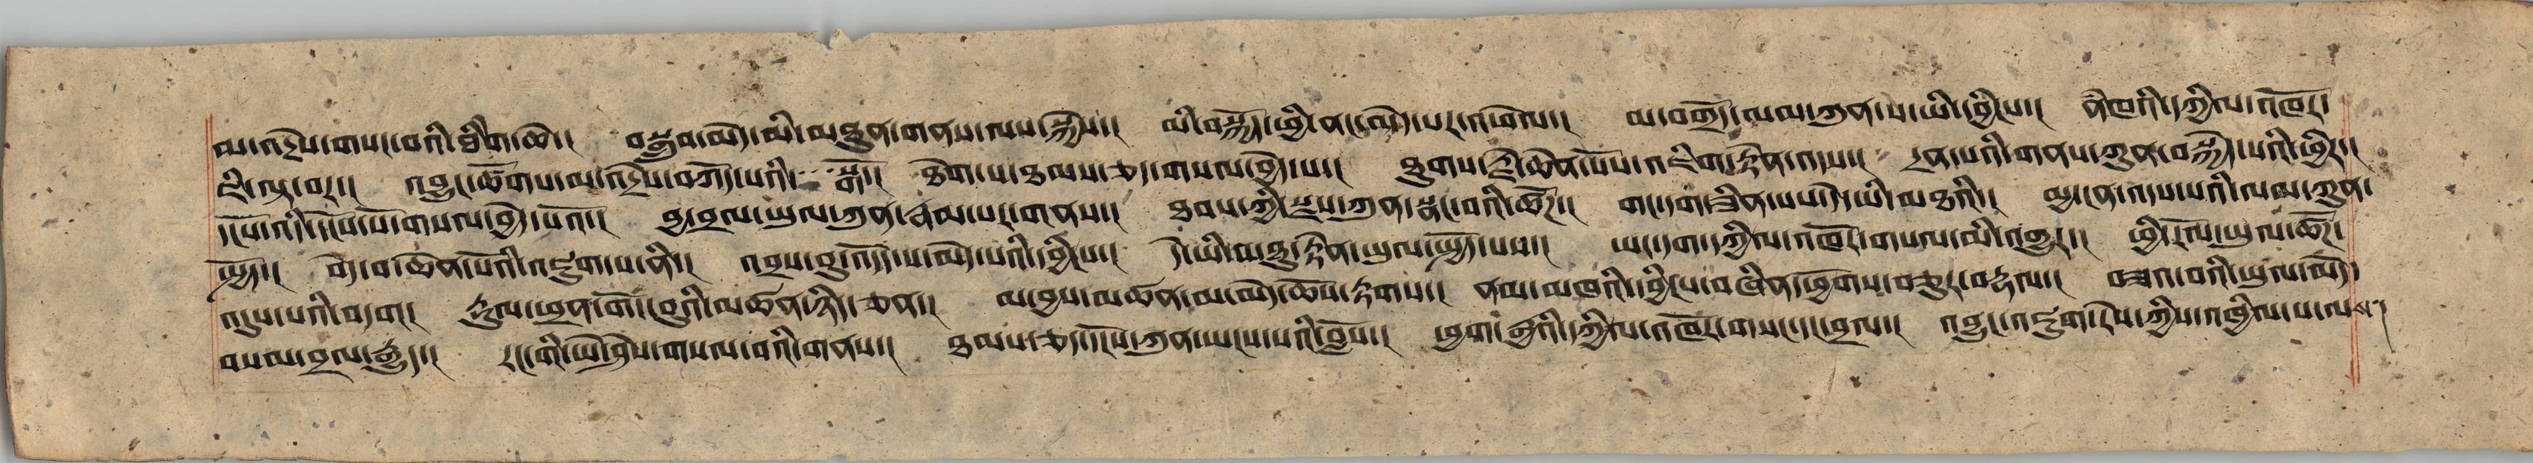མ་འདྲེས་གསང་བའི་ཐིེག་ཆེ་། བསྒྲུབ་མེད་མི་མཐུན་གནས་ལས་སྐྱེས་། མི་བསྐྱོད་ཕྱི་ནང་མེད་པར་འཕེལ་། མ་བགྲོད་ལམ་ཀུན་ས་ཡི་དབྱིངས་། ནཾཁའི་དཀྱིལ་འཁོར་
ཇི་ལྟ་བར་། འབྱུང་ཚོགས་མ་འདྲེས་བཀོད་པའི་སྒོ་། ཐེག་པ་ཐམས་ཅད་གསལ་བྱེད་པ་། ཐུགས་རྗེ་ཆེན་པོས་འཇིག་རྟེན་འདས་། དྲན་པའི་གནས་ཀུན་བསྐྱེད་པའི་ཕྱིར་།
དངོས་འདི་དངོས་པོ་གསལ་བྱེད་པའོ་། བྱ་བྲལ་ཡུལ་ཀུན་རྣམ་པར་གནས་། ཐབས་ཀྱི་སྫས་ཀུན་སྣང་བའི་ཚོཌ་། གང་དག་ཟིན་པས་དེ་ཡི་མཐའི་། མྱ་ངན་འདས་པའི་ལམ་ཀུན་
སྤྱོད་། བདེ་བ་ཆེན་པོའི་འཇུག་པ་ནི་། འབྲས་བུ་འདོད་པ་མེད་པའི་དབྱིངས་། དེ་ཡི་མཐུ་རྟེན་ཡུལ་སྤྱོད་པས་། ཡང་དག་དཀྱིལ་འཁོར་གསལ་མི་འགྱུར་། ཕྱི་རོལ་ཡུལ་ཚོཌ་
འདུས་པའི་བདག། རྡུལ་ཕྲན་གོང་བུའི་མཚན་ཉིད་ཅན་། མ་བྱས་མཚན་མ་མེད་ཆོས་རྟོགས་། ནམ་མཁའི་དབྱིངས་བཞིན་ཕྱོགས་བཅུར་བརྡལ་། བཟའ་བའི་ཡུལ་མེད་
བསམ་བྲལ་རྒྱུད་། རང་གི་ཡེ་ཤེས་གསལ་བའི་གནས་། ཐམས་ཅད་དངོས་ཀུན་ཡངས་པའི་བློས་། ཕྱག་རྒྱའི་དཀྱིལ་འཁོར་གསང་དང་བྲལ་། འབྱུང་འཇུག་རེས་ཀྱིས་འཁྱིལ་པ་ལས་